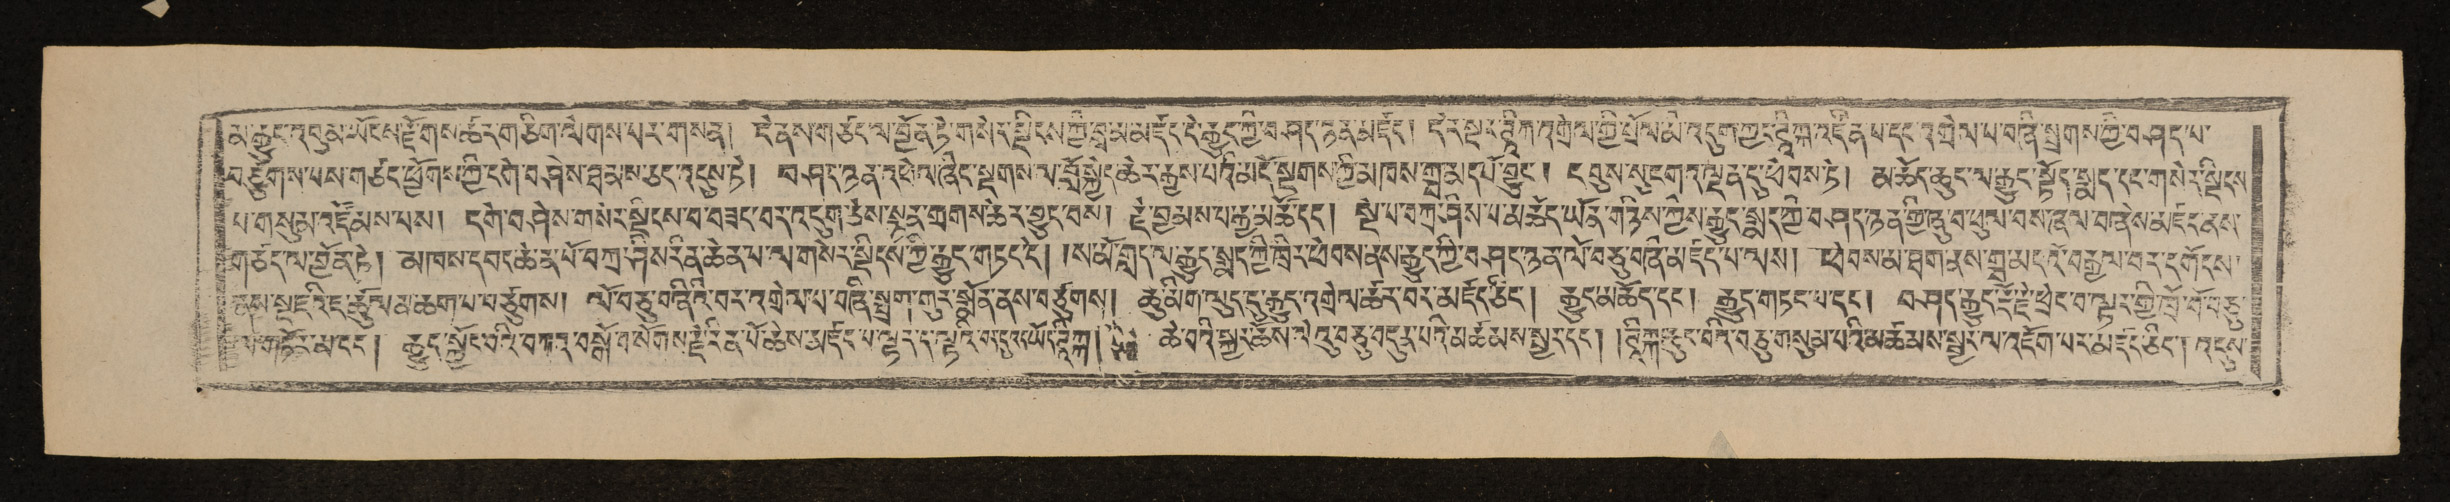མ་རྒྱུད་འབུམ་ཡོངས་རྫོགས་ཚར་གཅིག་ལེགས་པར་གསན། དེ་ནས་གཙང་ལ་བྱོན་ཏེ་གསེར་སྡིངས་ཀྱི་བླ་མ་མཛད་དེ་རྒྱུད་ཀྱི་བཤད་ཉན་མཛད། དེར་སྔར་ཊཱིཀ་འགྲེལ་གྱི་སྲོལ་མི་འདུག་ཀྱང་ཊཱིཀྐ་འཛིན་པ་དང་འགྲེལ་པ་བཞི་སྦྲགས་ཀྱི་བཤད་པ་
བཙུགས་པས་གཙང་ཕྱོགས་ཀྱི་དགེ་བཤེས་ཐམས་ཅད་འདུས་ཏེ། བཤད་ཉན་འཕེལ་ཞིང་སྔགས་ལ་བློ་སྐྱེད་ཆེར་རྒྱས་པའི་མདོ་སྔགས་ཀྱི་མཁས་གྲྭ་མང་པོ་བྱུང་། དབུས་སུ་དགའ་ལྡན་དུ་ཕེབས་ཏེ། མཆོད་ཆུང་ལ་རྒྱུད་སྟོད་སྨད་དང་གསེར་སྡིངས་
པ་གསུམ་འཛོམས་པས། དགེ་བཤེས་གསེར་སྡིངས་བ་བཟང་བར་འདུག་ཅེས་སྙན་གྲགས་ཆེར་བྱུང་བས། རྗེ་བྱམས་པ་རྒྱ་མཚོ་དང་། སྡེ་པ་བཀྲ་ཤིས་པ་མཆོད་ཡོན་གཉིས་ཀྱིས་རྒྱུད་སྨད་ཀྱི་བཤད་ཉན་གྱི་ཞུ་བ་ཕུལ་བས་ཞལ་བཞེས་མཛད་ནས་
གཙང་ལ་བྱོན་ཏེ། མཁས་དབང་ཆེན་པོ་བཀྲ་ཤིས་རིན་ཆེན་པ་ལ་གསེར་སྡིངས་ཀྱི་རྒྱུད་གཏད་དེ། ས་མོ་གླང་ལ་རྒྱུད་སྨད་ཀྱི་ཁྲིར་ཕེབས་ནས་རྒྱུད་ཀྱི་བཤད་ཉན་ལོ་བཅུ་བཞི་མཛད་པ་ལས། ཕེབས་མ་ཐག་ནས་གྲྭ་མང་འོ་བརྒྱལ་བར་དགོངས་
ནས་སྔ་ཇའི་ཇ་ཚུལ་མཆག་པ་བཙུགས། ལོ་བཅུ་བཞིའི་བར་འགྲེལ་པ་བཞི་སྦྲག་གུར་སྨོན་ནས་བཙུགས། ཆུ་མིག་ལུང་དུ་རྒྱུད་འགྲེལ་ཚར་བར་མཛད་ཅིང་། རྒྱུད་མཆོད་དང་། རྒྱུད་གཏད་པ་དང་། བཤད་རྒྱུད་རྡོ་རྗེ་ཕྲེང་བ་ལྟར་གྱི་ཁྲོ་བོ་བཅུ་
ལ་གཏོར་མ་དང་། རྒྱུད་སྐྱོང་བའི་བཀའ་བསྒོ་བ་སོགས་རྗེ་རིན་པོ་ཆེས་མཛད་པ་ལྟར་ད་ལྟའི་བར་དུའང་ཡོད། ཊཱིཀྐ་ཆེ་བའི་སྐྱབ་ཆོས་ལེའུ་བཅུ་བདུན་པའི་མཚམས་སྦྱར་དང་། ཊཱིཀྐ་ཆུང་བའི་བཅུ་གསུམ་བའི་མཚམས་སྦྱར་ལ་འཇོག་པར་མཛད་ཅིང་། འདུས་